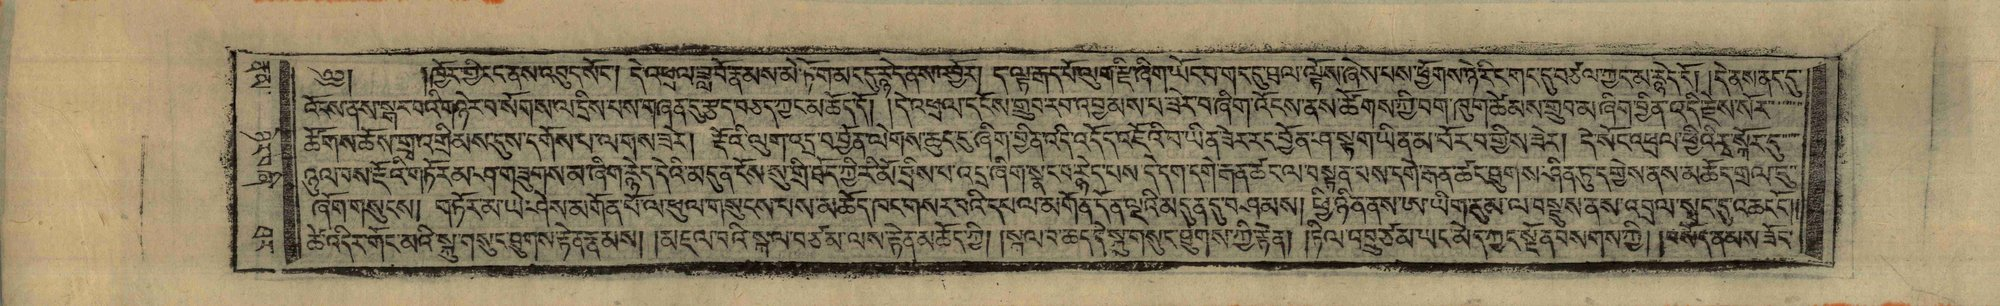༄༅། །ཁྱོར་གྱི་ངང་ནས་འབུད་སོང་། དེ་འཕྲལ་ཟླ་བོ་རྣམས་མེ་ཏོག་མང་དུ་རྙེད་ནས་འབྱོར། ད་ལྟ་རྒད་པོ་ལུག་རྫི་ཞིག་ཡོང་བ་གང་དུ་ཐལ་ལྟོས་ཞེས་པས་ཕྱོགས་ཉེ་རིང་གང་དུ་བཙལ་ཀྱང་མ་རྙེད་དོ། །དེ་ནས་ནང་དུ་
འོངས་ནས་སྒར་བའི་གཉེར་བ་སོགས་ལ་དྲིས་པས་གཞན་དུ་རྩད་བཅད་ཀྱང་མཆོད་དོ། །དེ་འཕྲལ་དངོས་གྲུབ་རབ་འབྱམས་པ་ཟེར་བ་ཞིག་འོངས་ནས་ཚོགས་ཀྱི་བག་ཁུག་ཚེམས་གྲུབ་མ་ཞིག་བྱིན་འདི་རྗེས་སོར་
ཚོགས་ཆོས་གྲྭ་འགྲིམས་དུས་དགོས་པ་ལགས་ཟེར། རྡོའི་ལུག་འདྲ་བ་བྱོན་ལེགས་ཆུང་ངུ་ཞིག་བྱིན་འདི་འདོད་འཇོའི་བ་ཡིན་ཟེར་རང་བྱོན་ཤ་སྟག་ཡིན་མ་བོར་བགྱིས་ཟེར། དེ་སོང་འཕྲལ་ཕྱིའི་རྭ་སྐོར་དུ་
ཉུལ་བས་རྡོའི་གཏོར་མ་ཤ་གཟུགས་མ་ཞིག་རྙེད་དེའི་མདུན་ངོས་སུ་གྲི་ཐོད་ཀྱི་རི་མོ་བྲིས་པ་འདྲ་ཞིག་སྣང་བ་རྙེད་པས་དེ་དག་དགེ་རྒན་ཚང་ལ་བསྟན་པས་དགེ་རྒན་ཚང་ཐུགས་ཤིན་ཏུ་དགྱེས་ནས་མཆོད་གྲལ་དུ་
ཞོག་གསུངས། གཏོར་མ་ཡེ་ཤེས་མགོན་པོ་ལ་ཕུལ་གསུངས་པས་མཆོད་ཁང་གསར་བའི་དཔལ་མགོན་དོན་ལྔའི་མདུན་དུ་བཤམས། ཕྱི་ཉིན་ནས་ཨ་ཡིག་རུམ་ལ་བསྡུས་ནས་འབྲལ་སྤང་དུ་འཆང་ངོ།།
ཚེ་འདིར་གོང་མའི་སྐུ་གསུང་ཐུགས་རྟེན་རྣམས། །མཇལ་བའི་སྐལ་བཙམ་ལས་རྟེན་མཆོད་ཀྱི། །སྐལ་བ་ཆད་དེ་སྐུ་གསུང་ཐུགས་ཀྱི་རྟེན། །ཏིལ་འབྲུ་ཙམ་ཡང་མེད་ཀྱང་སྔོན་བསགས་ཀྱི། །བསོད་ནམས་ཟོང་